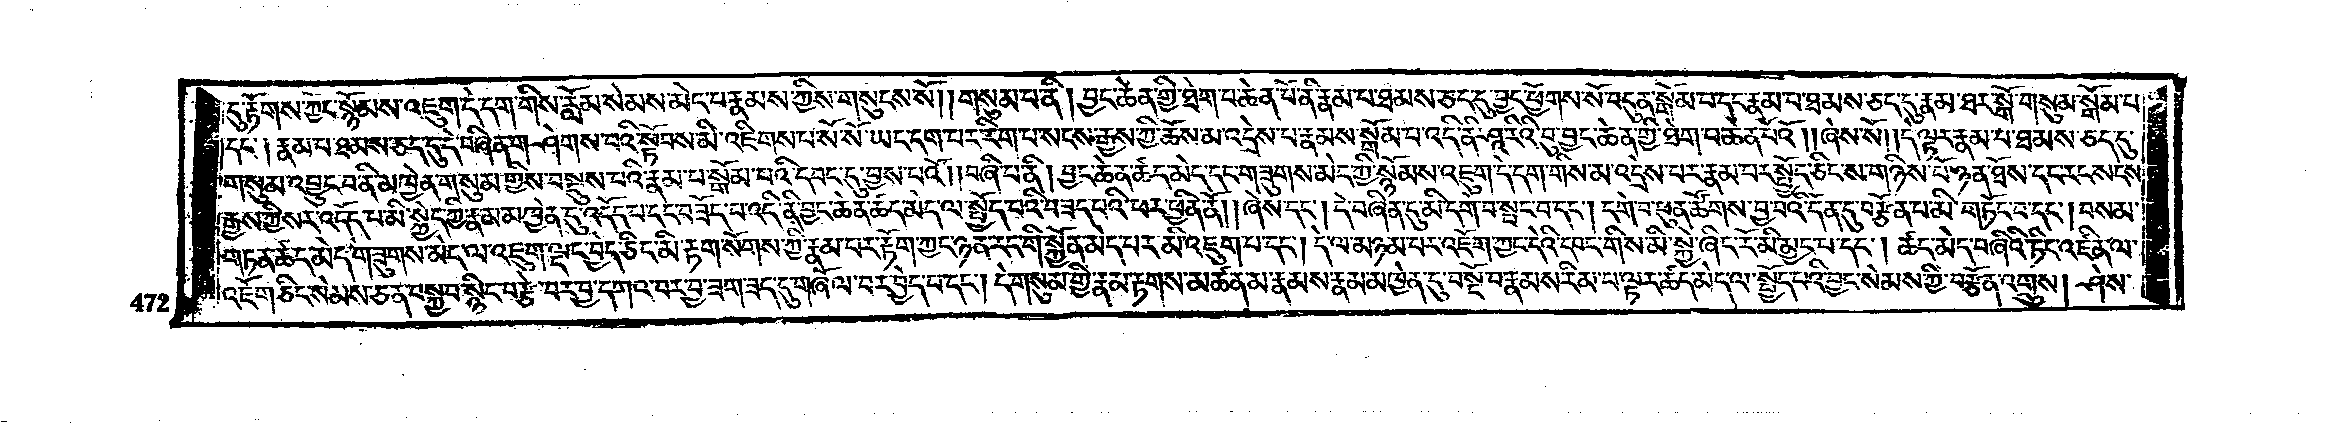དུ་རྟོགས་ཀྱང་སྙོམས་འཇུག་དེ་དག་གིས་རློམ་སེམས་མེད་པ་རྣམས་ཀྱིས་གསུངས་སོ། །གསུམ་པ་ནི། བྱང་ཆེན་གྱི་ཐེག་པ་ཆེན་པོ་ནི་རྣམ་པ་ཐམས་ཅད་དུ་བྱང་ཕྱོགས་སོ་བདུན་སྒོམ་པ་དང་རྣམ་པ་ཐམས་ཅད་དུ་རྣམ་ཐར་སྒོ་གསུམ་སྒོམ་པ་
དང་། རྣམ་པ་ཐམས་ཅད་དུ་དེ་བཞིན་གཤེགས་པའི་སྟོབས་མི་འཇིགས་པ་སོ་སོ་ཡང་དག་པར་རིག་པ་སངས་རྒྱས་ཀྱི་ཆོས་མ་འདྲེས་པ་རྣམས་སྒོམ་པ་འདི་ནི་ཤཱ་རིའི་བུ་བྱང་ཆེན་གྱི་ཐེག་པ་ཆེན་པོའོ། །ཞེས་སོ། །དེ་ལྟར་རྣམ་པ་ཐམས་ཅད་དུ་
གསུམ་འབྱུང་བ་ནི་མཁྱེན་གསུམ་གྱིས་བསྡུས་པའི་རྣམ་པ་སྒོམ་པའི་དབང་དུ་བྱས་པའོ། །བཞི་པ་ནི། བྱང་ཆེན་ཚད་མེད་དང་གཟུགས་མེད་ཀྱི་སྙོམས་འཇུག་དེ་དག་གིས་མ་འདྲེས་པར་རྣམ་པར་སྤྱོད་ཅིང་ས་གཉིས་པོ་ཉན་ཐོས་དང་རང་སངས་
རྒྱས་ཀྱི་སར་འདོད་པ་མི་སྐྱེད་ཀྱི་རྣམ་མཁྱེན་དུ་འདོད་པ་དང་བཟོད་པ་འདི་ནི་བྱང་ཆེན་ཚད་མེད་ལ་སྤྱོད་པའི་བཟོད་པའི་ཕར་ཕྱིན་ནོ། །ཞེས་དང་། དེ་བཞིན་དུ་མི་དགེ་བ་སྤང་བ་དང་། དགེ་བ་ཕུན་ཚོགས་བྱ་བའི་དོན་དུ་བརྩོན་པ་མི་གཏོང་བ་དང་། བསམ་
གཏན་ཚད་མེད་གཟུགས་མེད་ལ་འཇུག་ལྡང་བྱེད་ཅིང་མི་རྟག་སོགས་ཀྱི་རྣམ་པར་རྟོག་ཀྱང་ཉན་རང་གི་སྐྱོན་མེད་པར་མི་འཇུག་པ་དང་། དེ་ལ་མཉམ་པར་འཇོག་ཀྱང་དེའི་དབང་གིས་མི་སྐྱེ་ཞིང་རོ་མི་མྱང་པ་དང་། ཚད་མེད་བཞིའི་ཏིང་འཛིན་ལ་
འཇོག་ཅིང་སེམས་ཅན་བསྐྱབ་སྙིང་བརྩེ་བར་བྱ་དགའ་བར་བྱ་ཟག་ཟད་དུ་གཞོལ་བར་བྱེད་པ་དང་། དེ་གསུམ་གྱི་རྣམ་རྟགས་མཚན་མ་རྣམས་རྣམ་མཁྱེན་དུ་བསྔོ་བ་རྣམས་རིམ་པ་ལྟར་ཚད་མེད་ལ་སྤྱོད་པའི་བྱང་སེམས་ཀྱི་བརྩོན་འགྲུས། ཤེས་